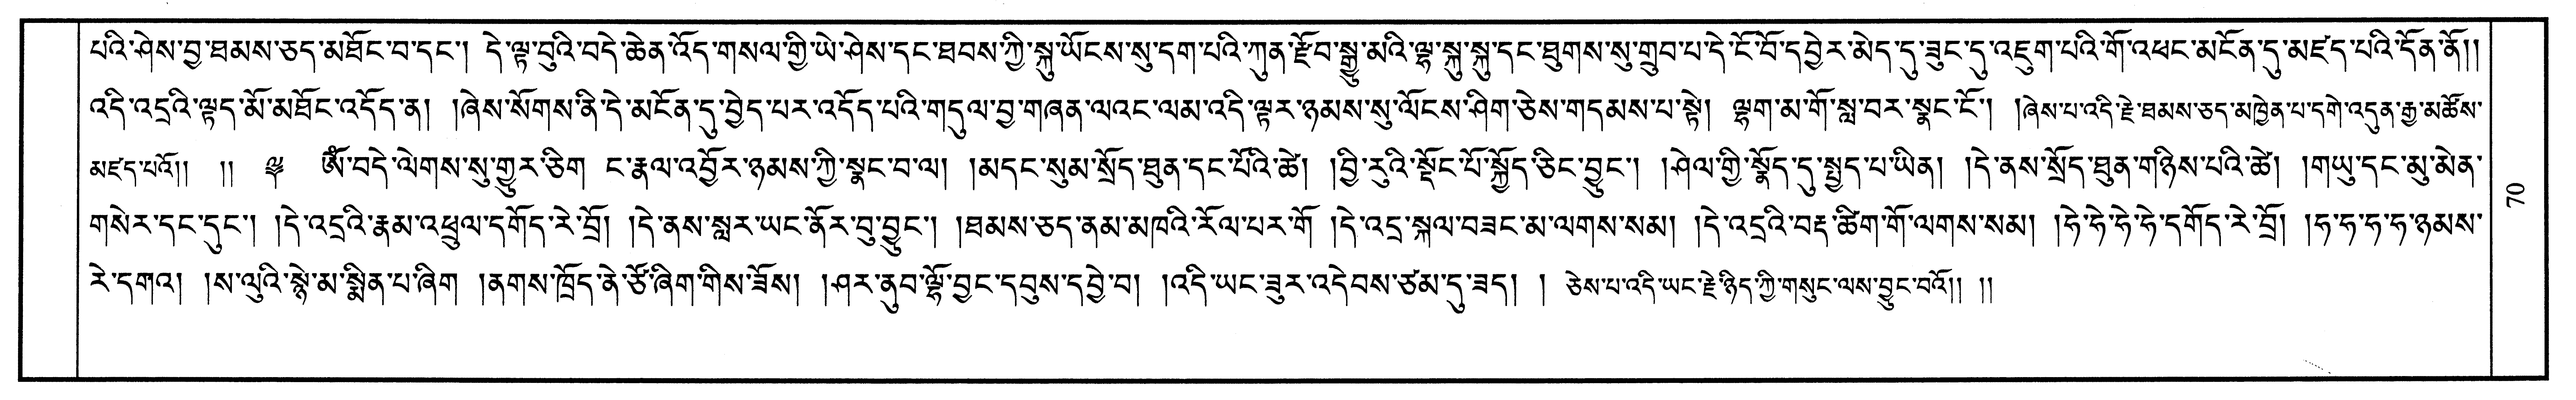པའི་ཤེས་བྱ་ཐམས་ཅད་མཐོང་བ་དང་། དེ་ལྟ་བུའི་བདེ་ཆེན་འོད་གསལ་གྱི་ཡེ་ཤེས་དང་ཐབས་ཀྱི་སྐུ་ཡོངས་སུ་དག་པའི་ཀུན་རྫོབ་སྒྱུ་མའི་ལྷ་སྐུ་སྐུ་དང་ཐུགས་སུ་གྲུབ་པ་དེ་ངོ་བོ་དབྱེར་མེད་དུ་ཟུང་དུ་འཇུག་པའི་གོ་འཕང་མངོན་དུ་མཛད་པའི་དོན་ནོ།།
འདི་འདྲའི་ལྟད་མོ་མཐོང་འདོད་ན། །ཞེས་སོགས་ནི་དེ་མངོན་དུ་བྱེད་པར་འདོད་པའི་གདུལ་བྱ་གཞན་ལའང་ལམ་འདི་ལྟར་ཉམས་སུ་ལོངས་ཤིག་ཅེས་གདམས་པ་སྟེ། ལྷག་མ་གོ་སླ་བར་སྣང་ངོ། །ཞེས་པ་འདི་རྗེ་ཐམས་ཅད་མཁྱེན་པ་དགེ་འདུན་རྒྱ་མཚོས་
མཛད་པའོ།། །། ༈ ཨོཾ་བདེ་ལེགས་སུ་གྱུར་ཅིག །ང་རྣལ་འབྱོར་ཉམས་ཀྱི་སྣང་བ་ལ། །མདང་སུམ་སྲོད་ཐུན་དང་པོའི་ཚེ། །བྱི་རུའི་སྡོང་པོ་སྐྱོད་ཅིང་བྱུང་། །ཤེལ་གྱི་སྣོད་དུ་སྤྱད་པ་ཡིན། །དེ་ནས་སྲོད་ཐུན་གཉིས་པའི་ཚེ། །གཡུ་དང་མུ་མེན་
གསེར་དང་དུང་། །དེ་འདྲའི་རྣམ་འཕྲུལ་དགོད་རེ་བྲོ། །དེ་ནས་སླར་ཡང་ནོར་བུ་བྱུང་། །ཐམས་ཅད་ནམ་མཁའི་རོལ་པར་གོ །དེ་འདྲ་སྐལ་བཟང་མ་ལགས་སམ། །དེ་འདྲའི་བརྡ་ཚིག་གོ་ལགས་སམ། །ཧེ་ཧེ་ཧེ་ཧེ་དགོད་རེ་བྲོ། །ཧ་ཧ་ཧ་ཧ་ཉམས་
རེ་དགའ། །ས་ལུའི་སྙེ་མ་སྨིན་པ་ཞིག །ནགས་ཁྲོད་ནེ་ཙོ་ཞིག་གིས་ཟོས། །ཤར་ནུབ་ལྷོ་བྱང་དབུས་དབྱེ་བ། །འདི་ཡང་ཟུར་འདེབས་ཙམ་དུ་ཟད། །ཅེས་པ་འདི་ཡང་རྗེ་ཉིད་ཀྱི་གསུང་ལས་བྱུང་བའོ།། །།